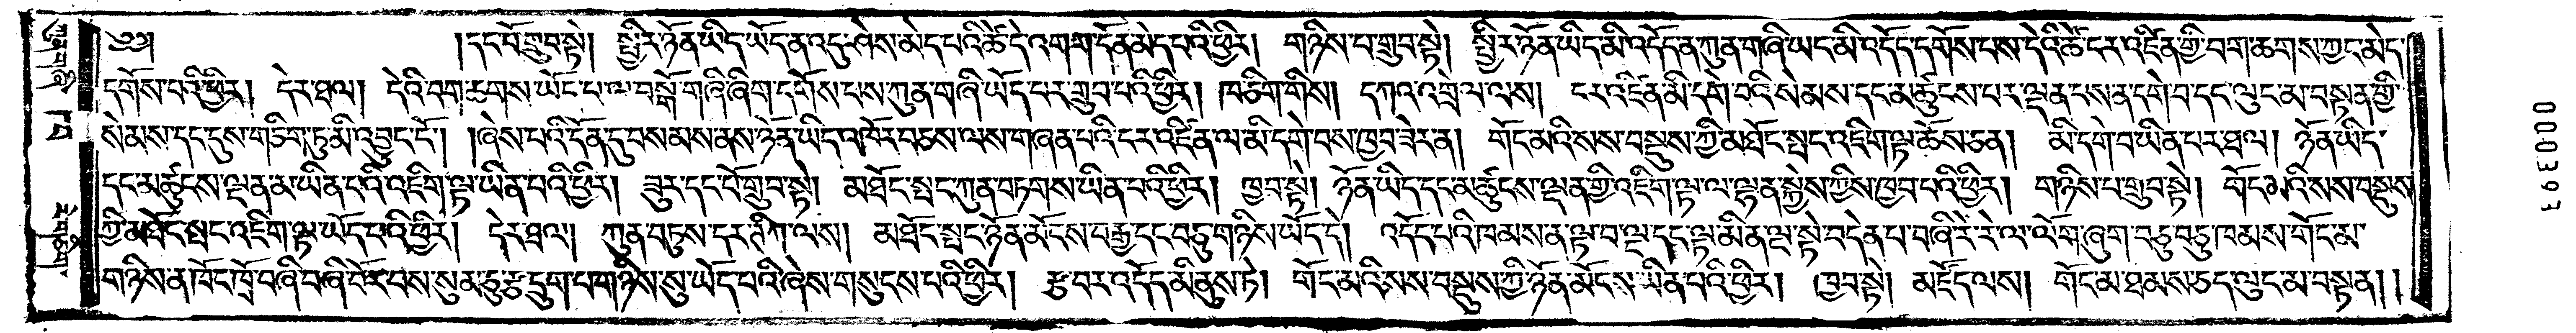༄༅། །དང་པོ་གྲུབ་སྟེ། སྤྱིར་ཉོན་ཡིད་ཡོད་ན་འདུ་ཤེས་མེད་པའི་ཚེ་དེ་འགག་དོན་མེད་པའི་ཕྱིར། གཉིས་པ་གྲུབ་སྟེ། སྤྱིར་ཉོན་ཡིད་མི་འདོད་ན་ཀུན་གཞི་ཡང་མི་འདོད་དགོས་པས་དེའི་ཚེ་ངར་འཛིན་གྱི་བག་ཆགས་ཀྱང་མེད་
དགོས་བའི་ཕྱིར། དེར་ཐལ། དེའི་བག་ཆགས་ཡོད་པ་ལ་བསྒོ་གཞི་ཞིག་དགོས་པས་ཀུན་གཞི་ཡོད་བར་གྲུབ་པའི་ཕྱིར། ཁ་ཅིག་གིས། དཀའ་འགྲེལ་ལས། ངར་འཛིན་མི་དགེ་བའི་སེམས་དང་མཚུངས་པར་ལྡན་པས་ན་དགེ་བ་དང་ལུང་མ་བསྟན་གྱི་
སེམས་དང་དུས་གཅིག་ཏུ་མི་འབྱུང་ངོ། །ཞེས་པའི་དོན་དུ་བསམས་ནས་ཉོན་ཡིད་འཁོར་བཅས་ལས་གཞན་པའི་ངར་འཛིན་ལ་མི་དགེ་བས་ཁྱབ་ཟེར་ན། གོང་མའི་སས་བསྡུས་ཀྱི་མཐོང་སྤང་འཇིག་ལྟ་ཆོས་ཅན། མི་དགེ་བ་ཡིན་པར་ཐལ། ཉོན་ཡིད་
དང་མཚུངས་ལྡན་མ་ཡིན་པའི་འཇིག་ལྟ་ཡིན་པའི་ཕྱིར། ཟུར་དང་པོ་གྲུབ་སྟེ། མཐོང་སྤང་ཀུན་བཏགས་ཡིན་པའི་ཕྱིར། ཁྱབ་སྟེ། ཉོན་ཡིད་དང་མཚུངས་ལྡན་གྱི་འཇིག་ལྟ་ལ་ལྷན་སྐྱེས་ཀྱིས་ཁྱབ་པའི་ཕྱིར། གཉིས་པ་གྲུབ་སྟེ། གོང་མའི་སས་བསྡུས་
ཀྱི་མཐོང་སྤང་འཇིག་ལྟ་ཡོད་པའི་ཕྱིར། དེར་ཐལ། ཀུན་བཏུས་དར་ཊིཀ་ལས། མཐོང་སྤང་ཉོན་མོངས་བརྒྱ་དང་བཅུ་གཉིས་ཡོད་དེ། འདོད་པའི་ཁམས་ན་ལྟ་བ་ལྔ་དང་ལྟ་མིན་ལྔ་སྟེ་བདེན་པ་བཞི་རེ་རེ་ལ་ལོག་གཞུག་བཅུ་བཅུ་ཁམས་གོང་མ་
གཉིས་ན་ཁོང་ཁྲོ་བཞི་བཞི་བོར་བས་སུམ་ཅུ་རྩ་དྲུག་པ་གཉིས་སུ་ཡོད་བའི་ཞེས་གསུངས་པའི་ཕྱིར། རྩ་བར་འདོད་མི་ནུས་ཏེ། གོང་མའི་སས་བསྡུས་ཀྱི་ཉོན་མོངས་ཡིན་པའི་ཕྱིར། ཁྱབ་སྟེ། མཛོད་ལས། གོང་མ་ཐམས་ཅད་ལུང་མ་བསྟན། །